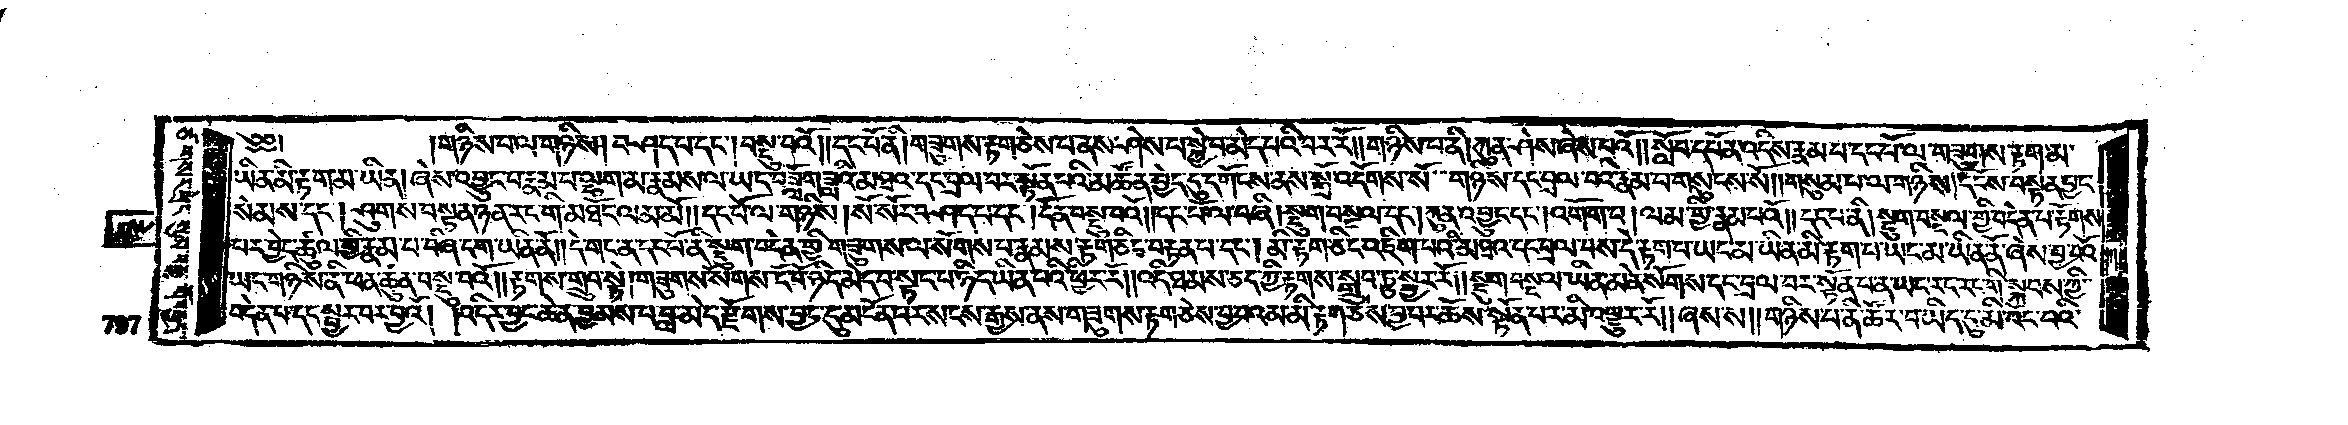༄༅། །གཉིས་པ་ལ་གཉིས། བཤད་པ་དང་། བསྡུ་བའོ། །དང་པོ་ནི། གཟུགས་རྟག་ཅེས་པ་ནས་ཤེས་པ་སྐྱེ་བ་མེད་པའི་བར་རོ། །གཉིས་པ་ནི། ཀུན་ཤེས་ཞེས་པའོ། །སློབ་དཔོན་འདིས་རྣམ་པ་དང་པོ་ལ་གཟུགས་རྟག་མ་
ཡིན་མི་རྟག་མ་ཡིན། ཞེས་འབྱུང་བ་རྣམ་པ་ལྷག་མ་རྣམས་ལ་ཡང་བཟློག་ཟླའི་མཐའ་དང་བྲལ་བར་སྟོན་པའི་མཚོན་བྱེད་དུ་དགོངས་ནས་སྒྲོ་འདོགས་སོ་གཉིས་དང་བྲལ་བའི་རྣམ་པ་གསུངས་སོ། །གསུམ་པ་ལ་གཉིས། དངོས་བསྟན་བྱང་
སེམས་དང་། ཤུགས་བསྟན་ཉན་རང་གི་མཐོང་ལམ་མོ། །དང་པོ་ལ་གཉིས། སོ་སོར་བཤད་པ་དང་། དོན་བསྡུ་བའོ། །དང་པོ་ལ་བཞི། སྡུག་བསྔལ་དང་། ཀུན་འབྱུང་དང་། འགོག་པ། ལམ་གྱི་རྣམ་པའོ། །དང་པོ་ནི། སྡུག་བསྔལ་གྱི་བདེན་པ་རྟོགས་
པར་བྱེད་ཚུལ་གྱི་རྣམ་པ་བཞི་དག་ཡིན་ནོ། །དེ་གང་ན་དང་པོ་ནི་སྡུག་བདེན་གྱི་གཟུགས་ལ་སོགས་པ་རྣམས་རྟག་ཅིང་བརྟན་པ་དང་། མི་རྟག་ཅིང་འཇིག་པའི་མཐའ་དང་བྲལ་བས་དེ་རྟག་པ་ཡང་མ་ཡིན་མི་རྟག་པ་ཡང་མ་ཡིན་ནོ་ཞེས་བྱ་བའོ་
ཡང་གཉིས་ནི་ཕན་ཚུན་བསྡུ་བའོ། །རྟགས་གྲུབ་སྟེ། གཟུགས་སོགས་ངོ་བོ་ཉིད་མེད་པ་སྟོང་པ་ཉིད་ཡིན་པའི་ཕྱིར་རོ། །འདི་ཐམས་ཅད་ཀྱི་རྟགས་སྒྲུབ་ཏུ་སྦྱར་རོ། །སྡུག་བསྔལ་ཡིན་མིན་སོགས་དང་བྲལ་བར་སྟོན་པ་ན་ཡང་རང་རང་གི་སྐབས་ཀྱི་
བདེན་པ་དང་སྦྱར་བར་བྱའོ། །འདིར་བྱང་ཆེན་བྱམས་པ་བླ་མེད་རྫོགས་བྱང་དུ་མངོན་པར་སངས་རྒྱས་ནས་གཟུགས་རྟག་ཅེས་བྱ་བའམ་མི་རྟག་ཅེས་བྱ་བར་ཆོས་སྟོན་པར་མི་འགྱུར་རོ། །ཞེས་སོ། །གཉིས་པ་ནི་ཚོར་བ་ཡིད་དུ་མི་འོང་བའི་